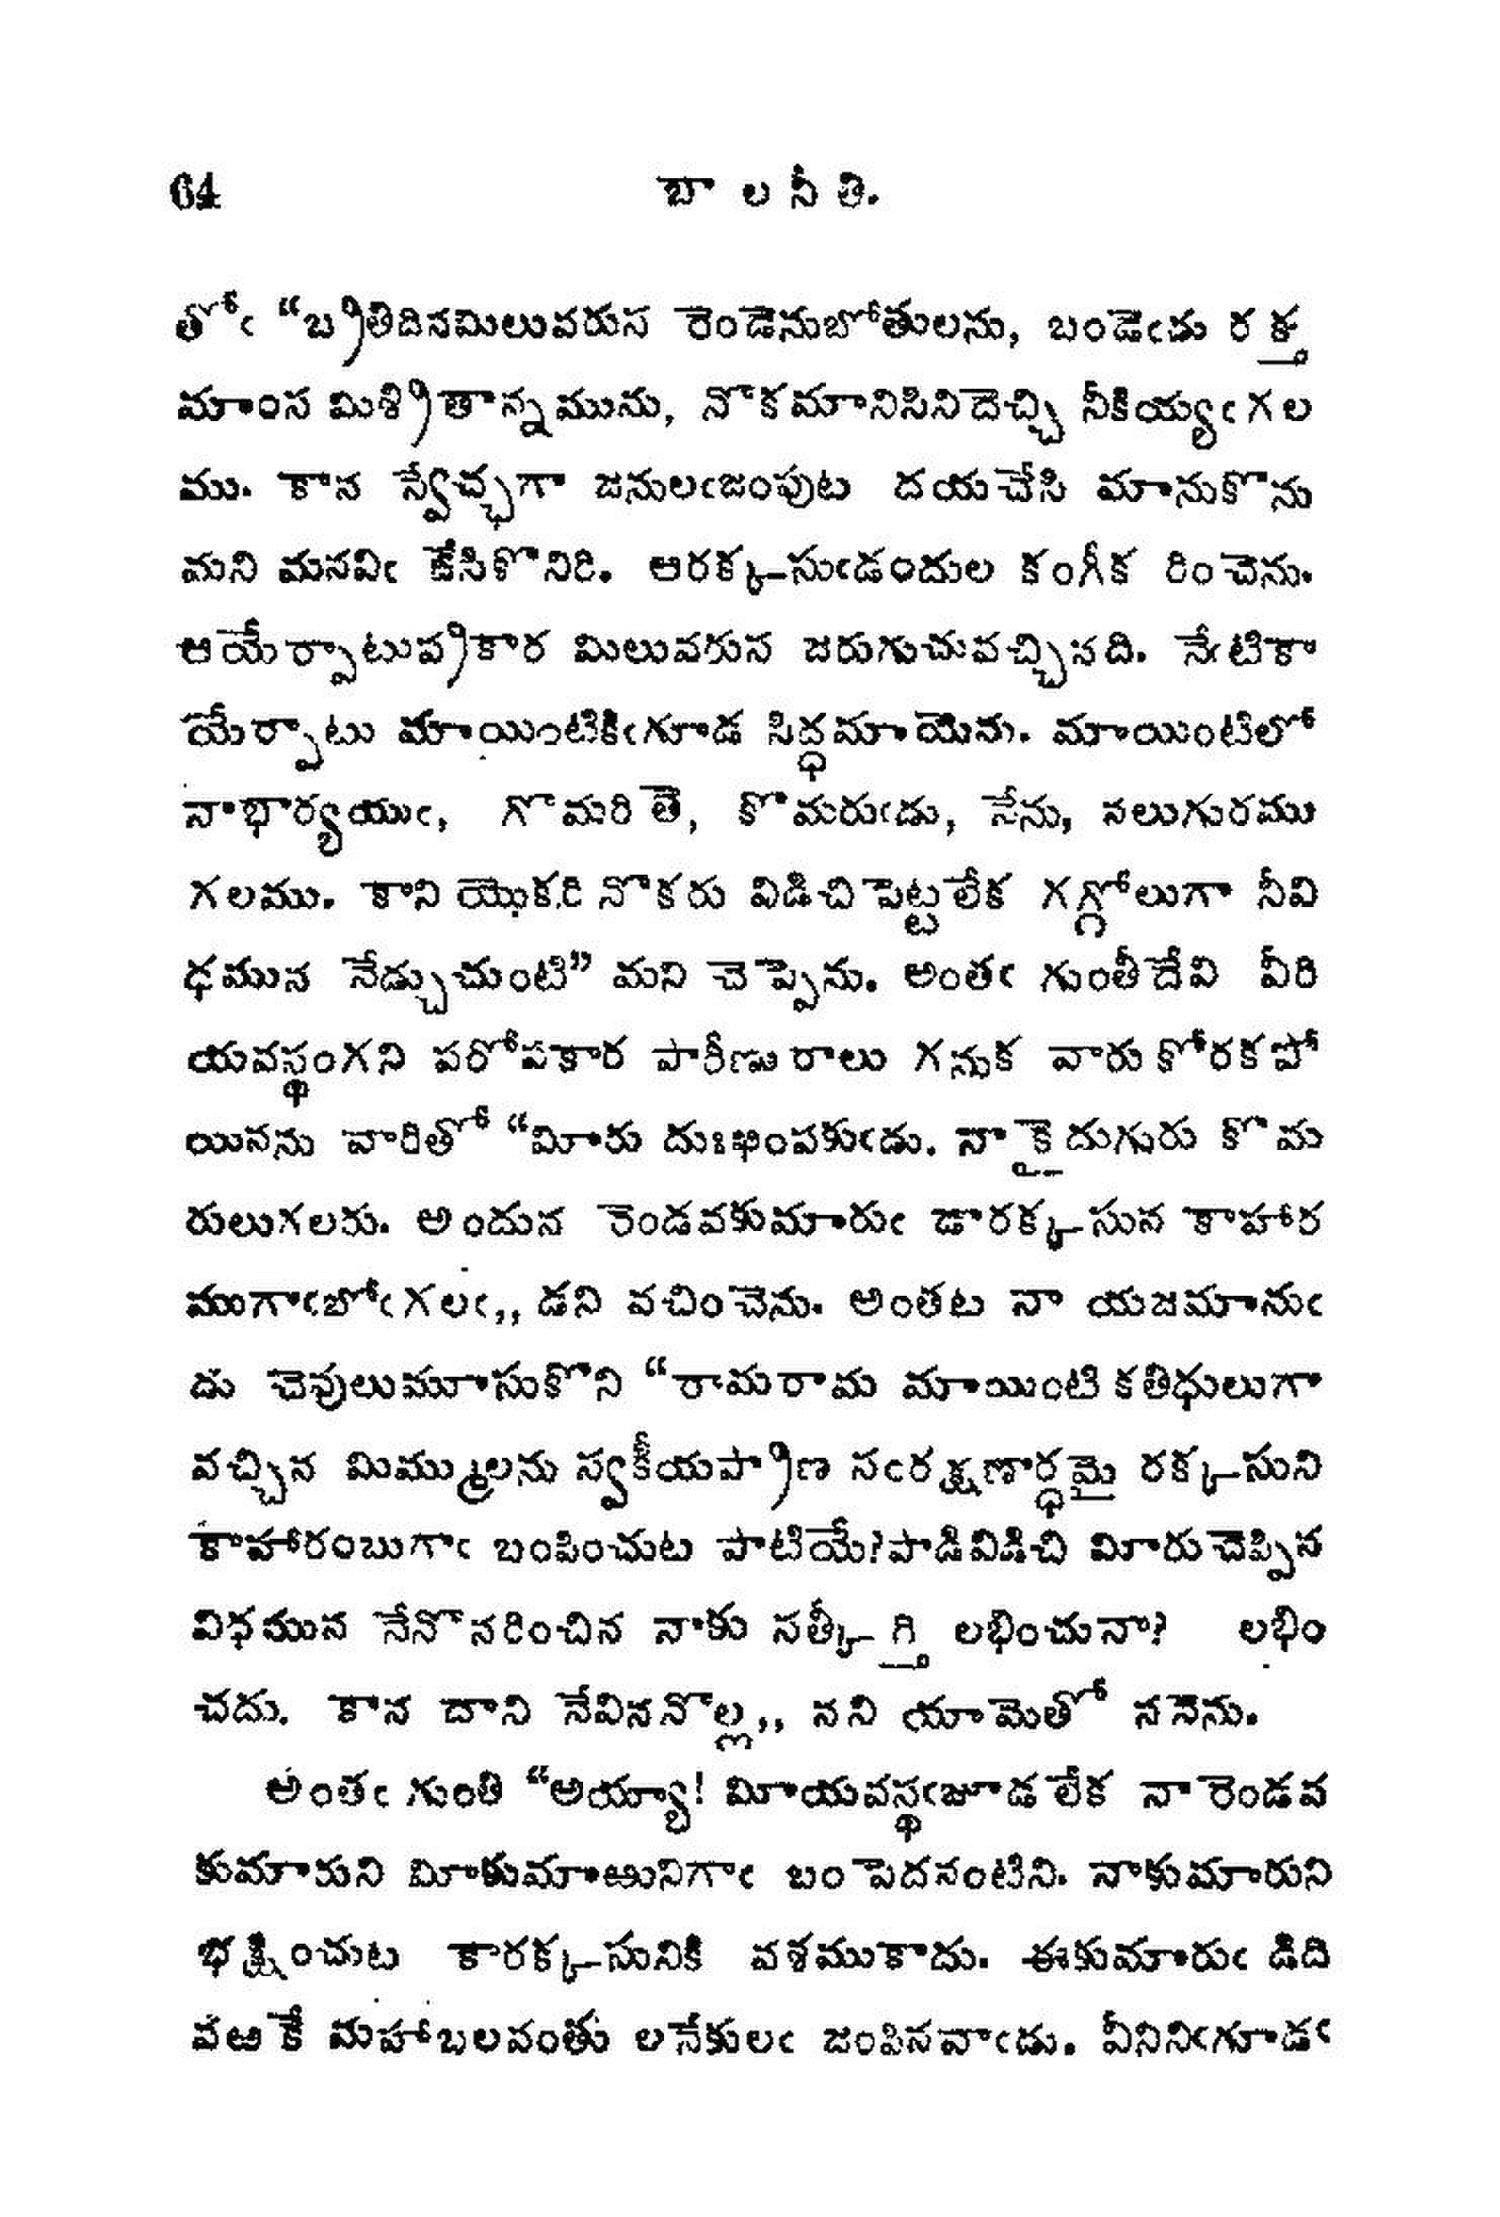తోఁ "బ్రతిదినమిలువరుస రెండెనుబోతులను, బండెఁడు రక్త
మాంస మిశ్రితాన్నమును, నొకమానిసినిదెచ్చి నీకియ్యఁగల
ము. కాన స్వేచ్ఛగా జనులఁజంపుట దయచేసి మానుకొను
మని మనవిఁ జేసికొనిరి. ఆరక్కసుఁడందుల కంగీకరించెను. 
ఆయేర్పాటుప్రకార మిలువరుస జరుగుచువచ్చినది. నేఁటికా
యేర్పాటు మాయింటికిఁగూడ సిద్ధమాయెను. మాయింటిలో 
నాభార్యయుఁ, గొమరితె, కొమరుఁడు, నేను, నలుగురము 
గలము. కాని యొకరినొకరు విడిచిపెట్టలేక గగ్గోలుగా నీవి
ధమున నేడ్చుచుంటి" మని చెప్పెను. అంతఁ గుంతీదేవి వీరి
యవస్థంగని పరోపకార పారీణురాలు గనుక వారుకోరకపో
యినను వారితో "మీరు దుఃఖింపకుఁడు. నాకైదుగురు కొమ
రులుగలరు. అందున రెండవకుమారుఁ డారక్కసున కాహార
ముగాఁబోగలఁ"డని వచించెను. అంతట నా యజమానుఁ
డు చెవులుమూసుకొని "రామరామ మాయింటి కతిధులుగా 
వచ్చిన మిమ్ములను స్వకీయప్రాణ సంరక్షణార్ధమై రక్కసుని 
కాహారంబుగాఁ బంపించుట పాటియే? పాడివిడిచి మీరుచెప్పిన 
విధమున నేనొరించిన నాకు సత్కీర్తి లభించునా? లభిం
చదు. కాన దాని నేవిననొల్ల" నని యామెతో ననెను.

అంతఁ గుంతి "అయ్యా! మీయవస్థఁజూడలేక నారెండవ
కుమారుని మీకుమాఱునిగాఁ బంపెదనంటిని. నాకుమారుని 
భక్షించుట కారక్కసునికి వశముకాదు. ఈకుమారుఁ డిది 
వఱకే మహాబలవంతు లనేకులఁ జంపినవాఁడు. వీనినిఁగూడఁ